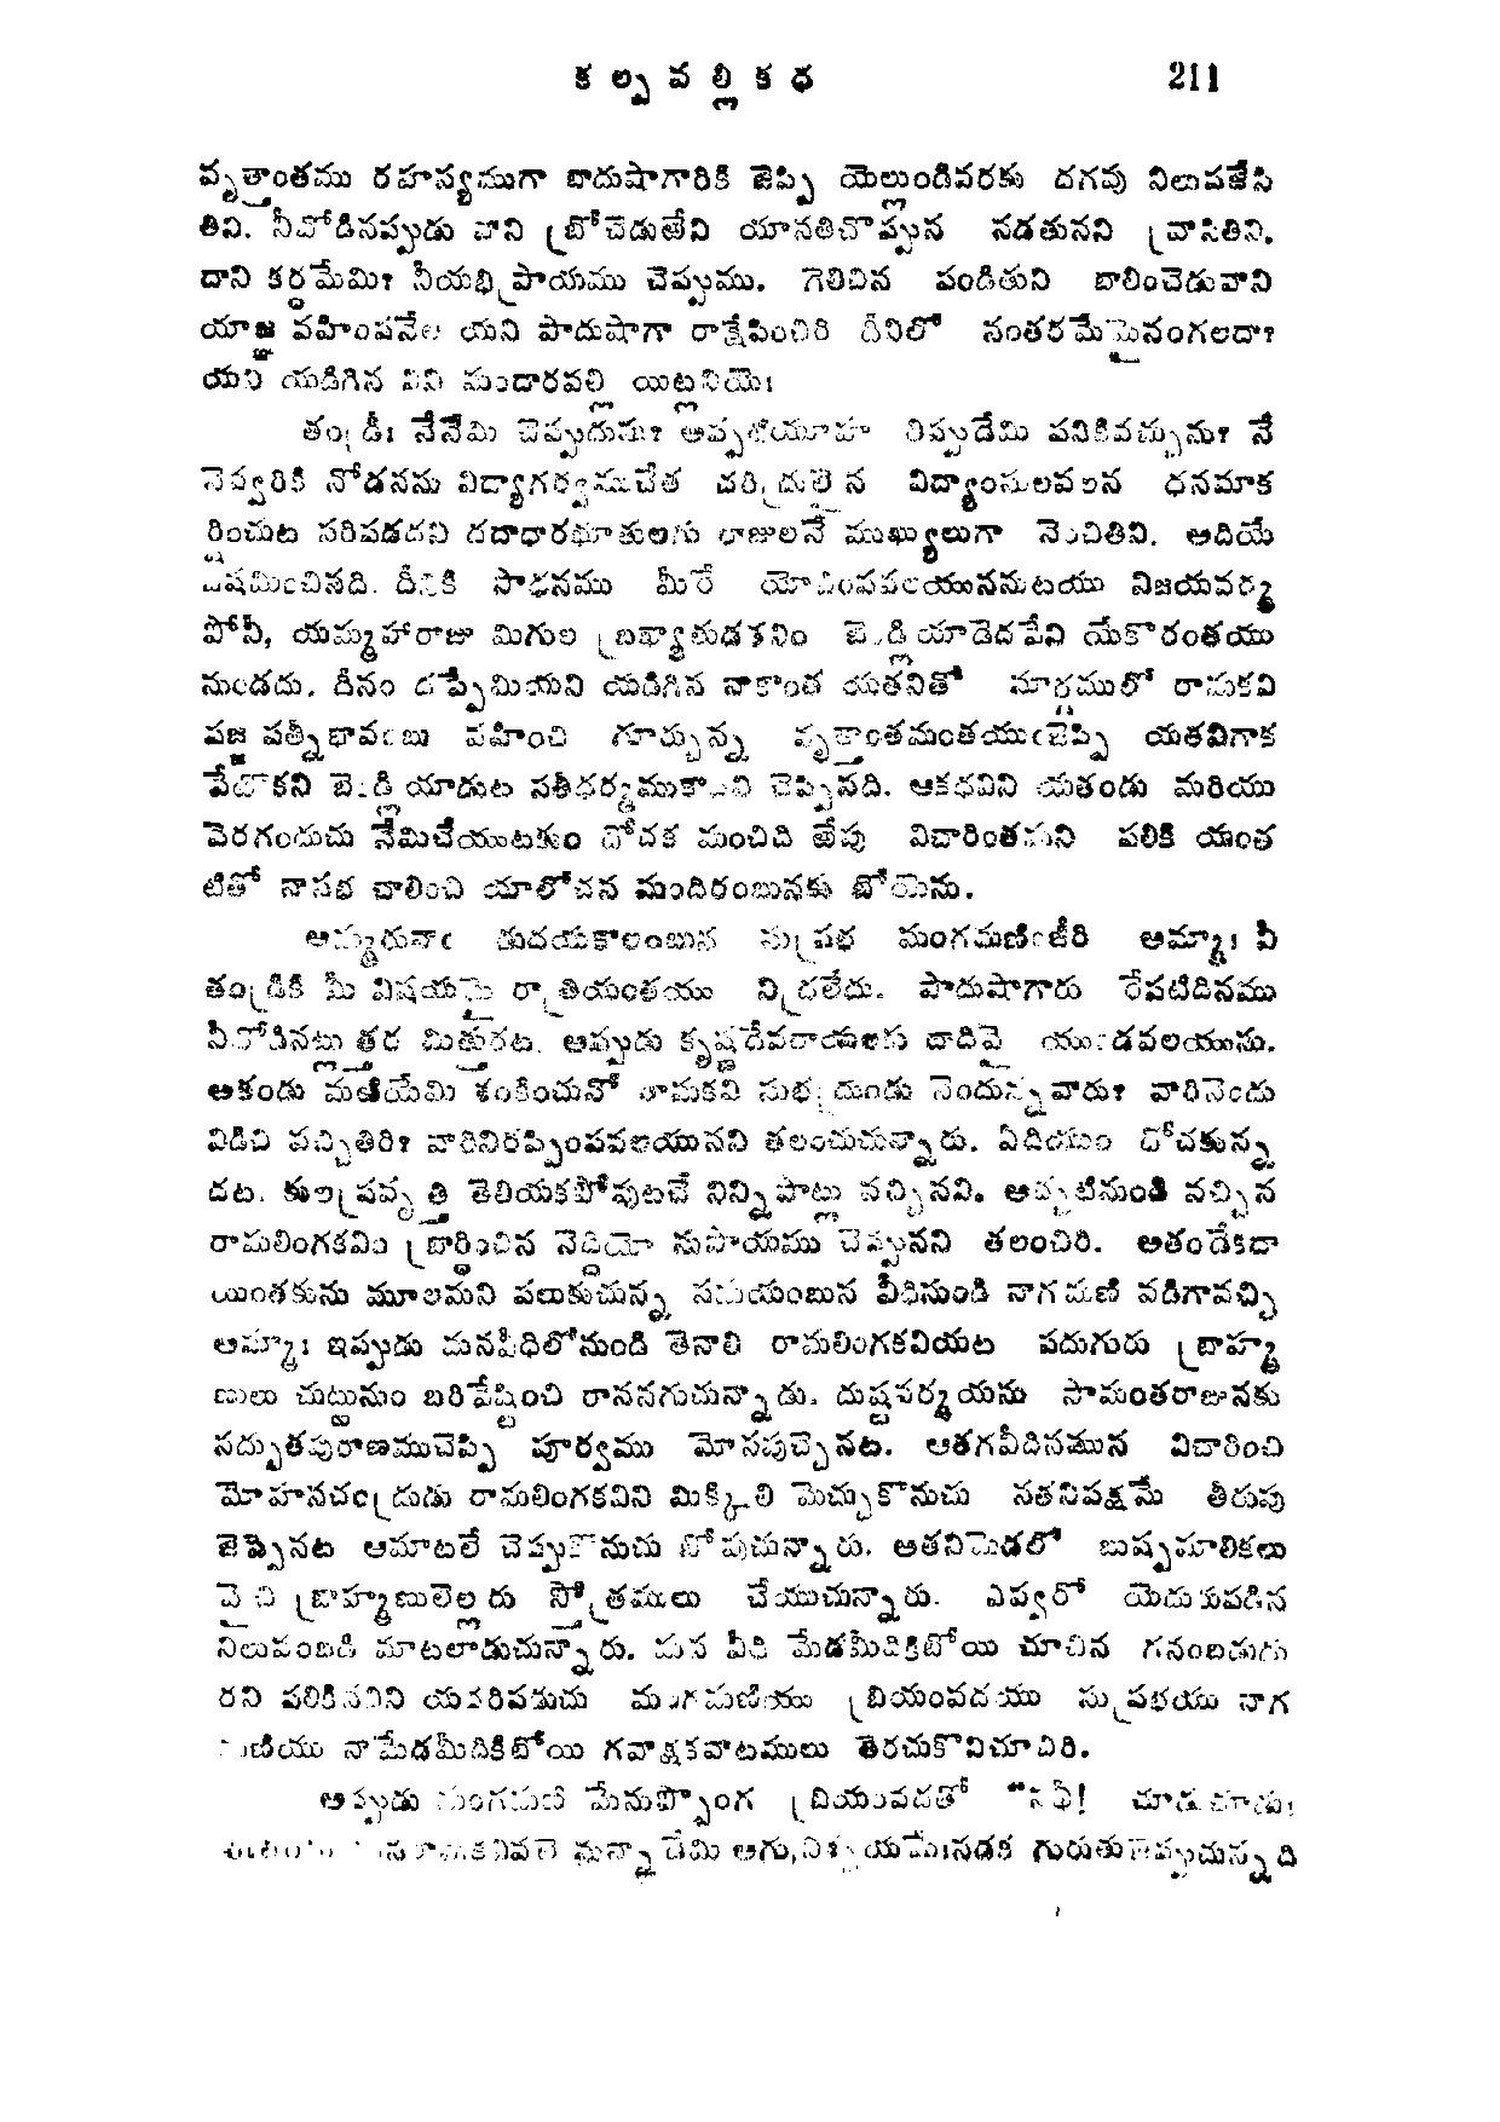వృత్తాంతము రహస్యముగా బాదుషాగారికి జెప్పి యెల్లుండివరకు దగవు నిలుపజేసితిని. నీవోడినప్పుడు వాని బ్రోచెడుఱేని యానతిచొప్పున నడతునని వ్రాసితిని. దాని కర్ధమేమి? నీయభిప్రాయము చెప్పుము. గెలిచిన పండితుని బాలించెడువాని యాజ్ఞ వహింపనేల యని పాదుషాగా రాక్షేపించిరి దీనిలో నంతరమేమైనంగలదా? యని యడిగిన విని మందారవల్లి యిట్లనియె:

తండ్రీ! నేనేమి చెప్పుదును? అప్పటియూహ నిప్పుడేమి పనికివచ్చును? నే నెవ్వరికి నోడనసు విద్యాగర్వముచేత దరిద్రులైన విద్యాంసులవలన ధనమాకర్షించుట సరిపడదని దదాధారభూతులగు రాజులనే ముఖ్యులుగా నెంచితిని. అదియే విషమించినది. దీనికి సాధనము మీరే యోచింపవలయుననుటయు విజయవర్మ పోనీ, యమ్మహారాజు మిగుల బ్రఖ్యాతు డతనిం బెండ్లియాడెదవేని యేకొరంతయు నుండదు. దీనం దప్పేమియని యడిగిన నాకాంత యతనితో మార్గములో రామకవి పజ్జ పత్నీభావంబు వహించి గూర్చున్న వృత్తాంతమంతయుఁజెప్పి యతనిగాక వేఱొకని బెండ్లియాడుట సతీధర్మముకాదని చెప్పినది. ఆకథవిని యతండు మరియు వెరగందుచు నేమిచేయుటకుం దోచక మంచిచి ఱేపు విచారింతమని పలికి యంతటితో నాసభ చాలించి యాలోచన మందిరంబునకు బోయెను.

అమ్మరునాఁ డుదయకాలంబున సుప్రభ మంగమణింజీరి అమ్మా! నీ తండ్రికి మీ విషయమై రాత్రియంతయు నిద్రలేదు. పాదుషాగారు రేపటిదినము నీవోడినట్లు త్తర మిత్తురట. అప్పుడు కృష్ణదేవరాయలకు దాదివై యుండవలయును. అతండు మఱియేమి శంకించునో రామకవి సుభద్రుండు నెందున్న వారు? వారినెందు విడిచి వచ్చితిరి? వారినిరప్పింపవలయునని తలంచుచున్నారు. ఏదియుం దోచకున్నదట. కులప్రవృత్తి తెలియకపోవుటచే నిన్నిపాట్లు వచ్చినవి. అచ్చటినుండి వచ్చిన రామలింగకవిం బ్రార్ధించిన నెద్దియో నుపాయము చెప్పునని తలంచిరి. అతండేకదా యింతకును మూలమని పలుకుచున్న సమయంబున వీధినుండి నాగమణి వడిగావచ్చి అమ్మా ఇప్పుడు మనవీధిలోనుండి తెనాలి రామలింగకవియట పదుగురు బ్రాహ్మణులు చుట్టునుం బరివేష్టించి రాననగుచున్నాడు. దుష్టవర్మయను సామంతరాజునకు నద్బుతపురాణముచెప్పి పూర్వము మోసపుచ్చెనట. ఆతగ వీదినమున విచారించి మోహనచంద్రుడు రామలింగకవిని మిక్కిలి మెచ్చుకొనుచు నతనిపక్షమే తీరుపు జెప్పెనట ఆమాటలే చెప్పుకొనుచు బోవుచున్నారు. అతనిమెడలో బుష్పమాలికలు వైచి బ్రాహ్మణులెల్లరు స్తోత్రములు చేయుచున్నారు. ఎవ్వరో యెదురుపడిన నిలువంబడి మాటలాడుచున్నారు. మన వీధి మేడమీదికిబోయి చూచిన గనంబడుడు రని పలికినవిని యదరిపడుచు మంగమణియు బ్రియంవదయు సుప్రభయు నాగమణియు నామేడమీదికి
బోయి గవాక్షకవాటములు తెరచుకొనిచూచిరి.

అప్పుడు మంగమణి మే నుప్పొంగ బ్రియంవదతో సఖీ! చూడుచూడు ఈతడు రామలింగకవివలె నున్నా డేమి అగు నిశ్చయమే. నడక గురుతుజెప్పుచున్నది